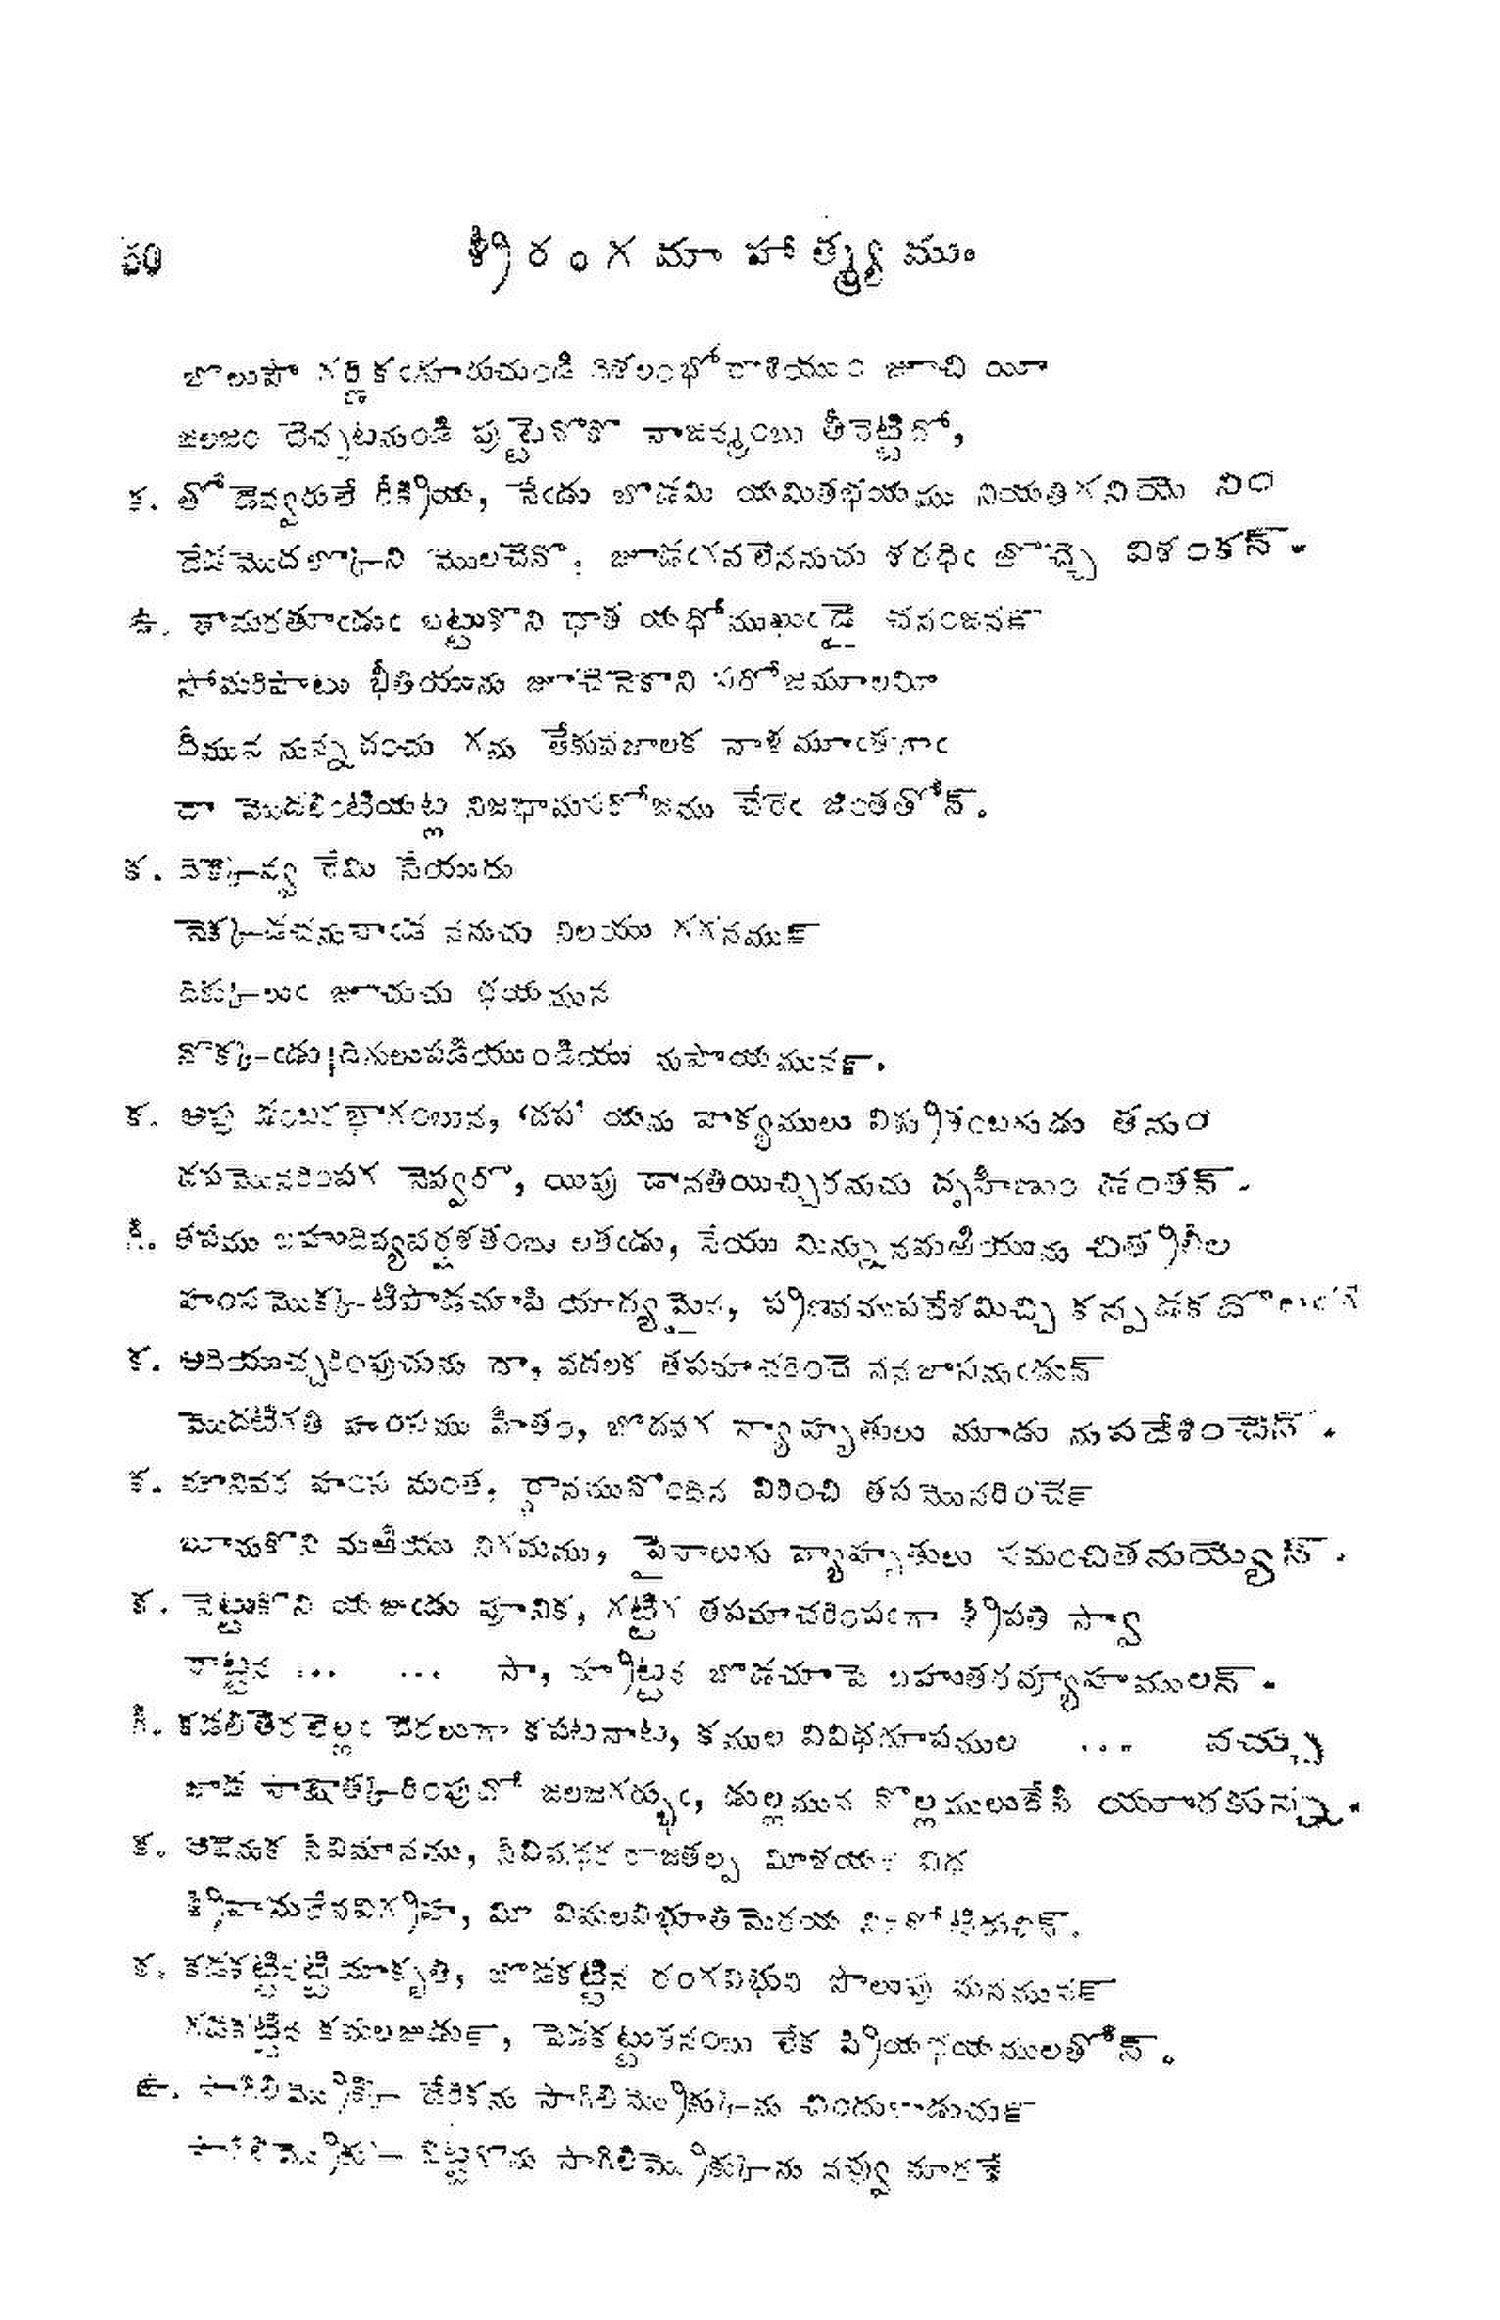బొలుపౌ గర్ణికఁ గూరుచుండి దిశలంభోరాశియుం జూచి యీ
 జలజం బెచ్చటనుండి పుట్టెనొకొ నాజన్మంబు తీరెట్టిదో.
క. తోడెవ్వరులే రీక్రియ, నేఁడు బొడమి యమితభయము నియతి గనియె నిం
 దేడ మొదల్కొని మొలచెనొ, జూడఁగవలెననుచు శరధిఁ జొచ్చె విశంకన్.
ఉ. తామరతూఁడుఁ బట్టుకొని ధాత యధోముఖుఁడై చనంజనన్
 సోమరిపాటు భీతియును జూచెనెకాని సరోజమూలమీ
 దీమున నున్నదంచు గను తేకువజాలక నాళ మూఁతగాఁ
 దా మొదలింటియట్ల నిజధామసరోజము చేరెఁ జింతతోన్.
క. ది క్కెవ్వ రేమి సేయుదు
 నెక్కడ చనువాఁడ ననుచు నిలయు గగనమున్
 దిక్కులుఁ జూచుచు భయమున
 నొక్కఁడు దిగులుపడియుండియు నుపాయమునన్.
క. అపు డంబరభాగంబున, 'దప' యను వాక్యములు విశ్రుతంబరుడు తనుం
 దపమొనరింప నెవ్వరొ, యిపు డానతియిచ్చిరనుచు దృహిణుం డంతన్.
గీ. తపము బహుదివ్యవర్షశతంబు లతఁడు, సేయు మిన్నున మఱియును చిత్రలీల
 హంసమొక్కటి పొడచూపి యాద్యమైన , ప్రణవ ముపదేశ మిచ్చి కన్పడక దొలఁగె.
క. అది యుచ్చరింపుచును దా, వదలక తపమాచరించె ననజాసనుఁడున్
 మొదటిగతి హంసము హితం, బొదవగ వ్యాహృతులు మూడు నువదేశించెన్.
క. మౌనివర హంస మంత, ర్ధానము నొందిన విరించి తపమొనరించెన్
 బూనుకొని మఱియు నిగమము, పైనాలుగు వ్యాహృతులు సమంచితమయ్యెన్.
క. వెట్టుకొని యజుఁడు పూనిక , గట్టిగ తపమాచరింపఁగా శ్రీపతి స్వా
 రాట్టన.................సా, మ్రాట్టన బొడచూపె బహుతరవ్యూహములన్.
గీ. కడలితెరలెల్లఁ దెరలుగా కపటనాట, కముల వివిధరూపముల..........వచ్చు
 జాడ సాక్షాత్కరింపుచో జలజగర్భుఁ, డుల్లమున కొల్లములుజేసి యూరకున్న.
క. ఆవెనుక నీవిమానము, నీవిషధరరాజతల్ప మీశయనవిధం
 శ్రీవాసుదేవవిగ్రహ, మీ విమలువిభూతి మెరయ నిశకోటిరుచిన్.
క. కడకట్టినట్టి యాకృతి, బొడకట్టిన రంగవిభుని సొలుపు మనమునన్
 గడకట్టిన కమలజుడున్, పెడకట్టుతనంబు లేక ప్రియభయములతోన్.
ఉ. సాగిలిమ్రొక్కి దేరికను సాగిలిమ్రొక్కును చిందులాడుచున్
 సాగిలిమ్రొక్కు బిట్టగొను సాగిలిమ్రొక్కును నవ్వు నూరకే